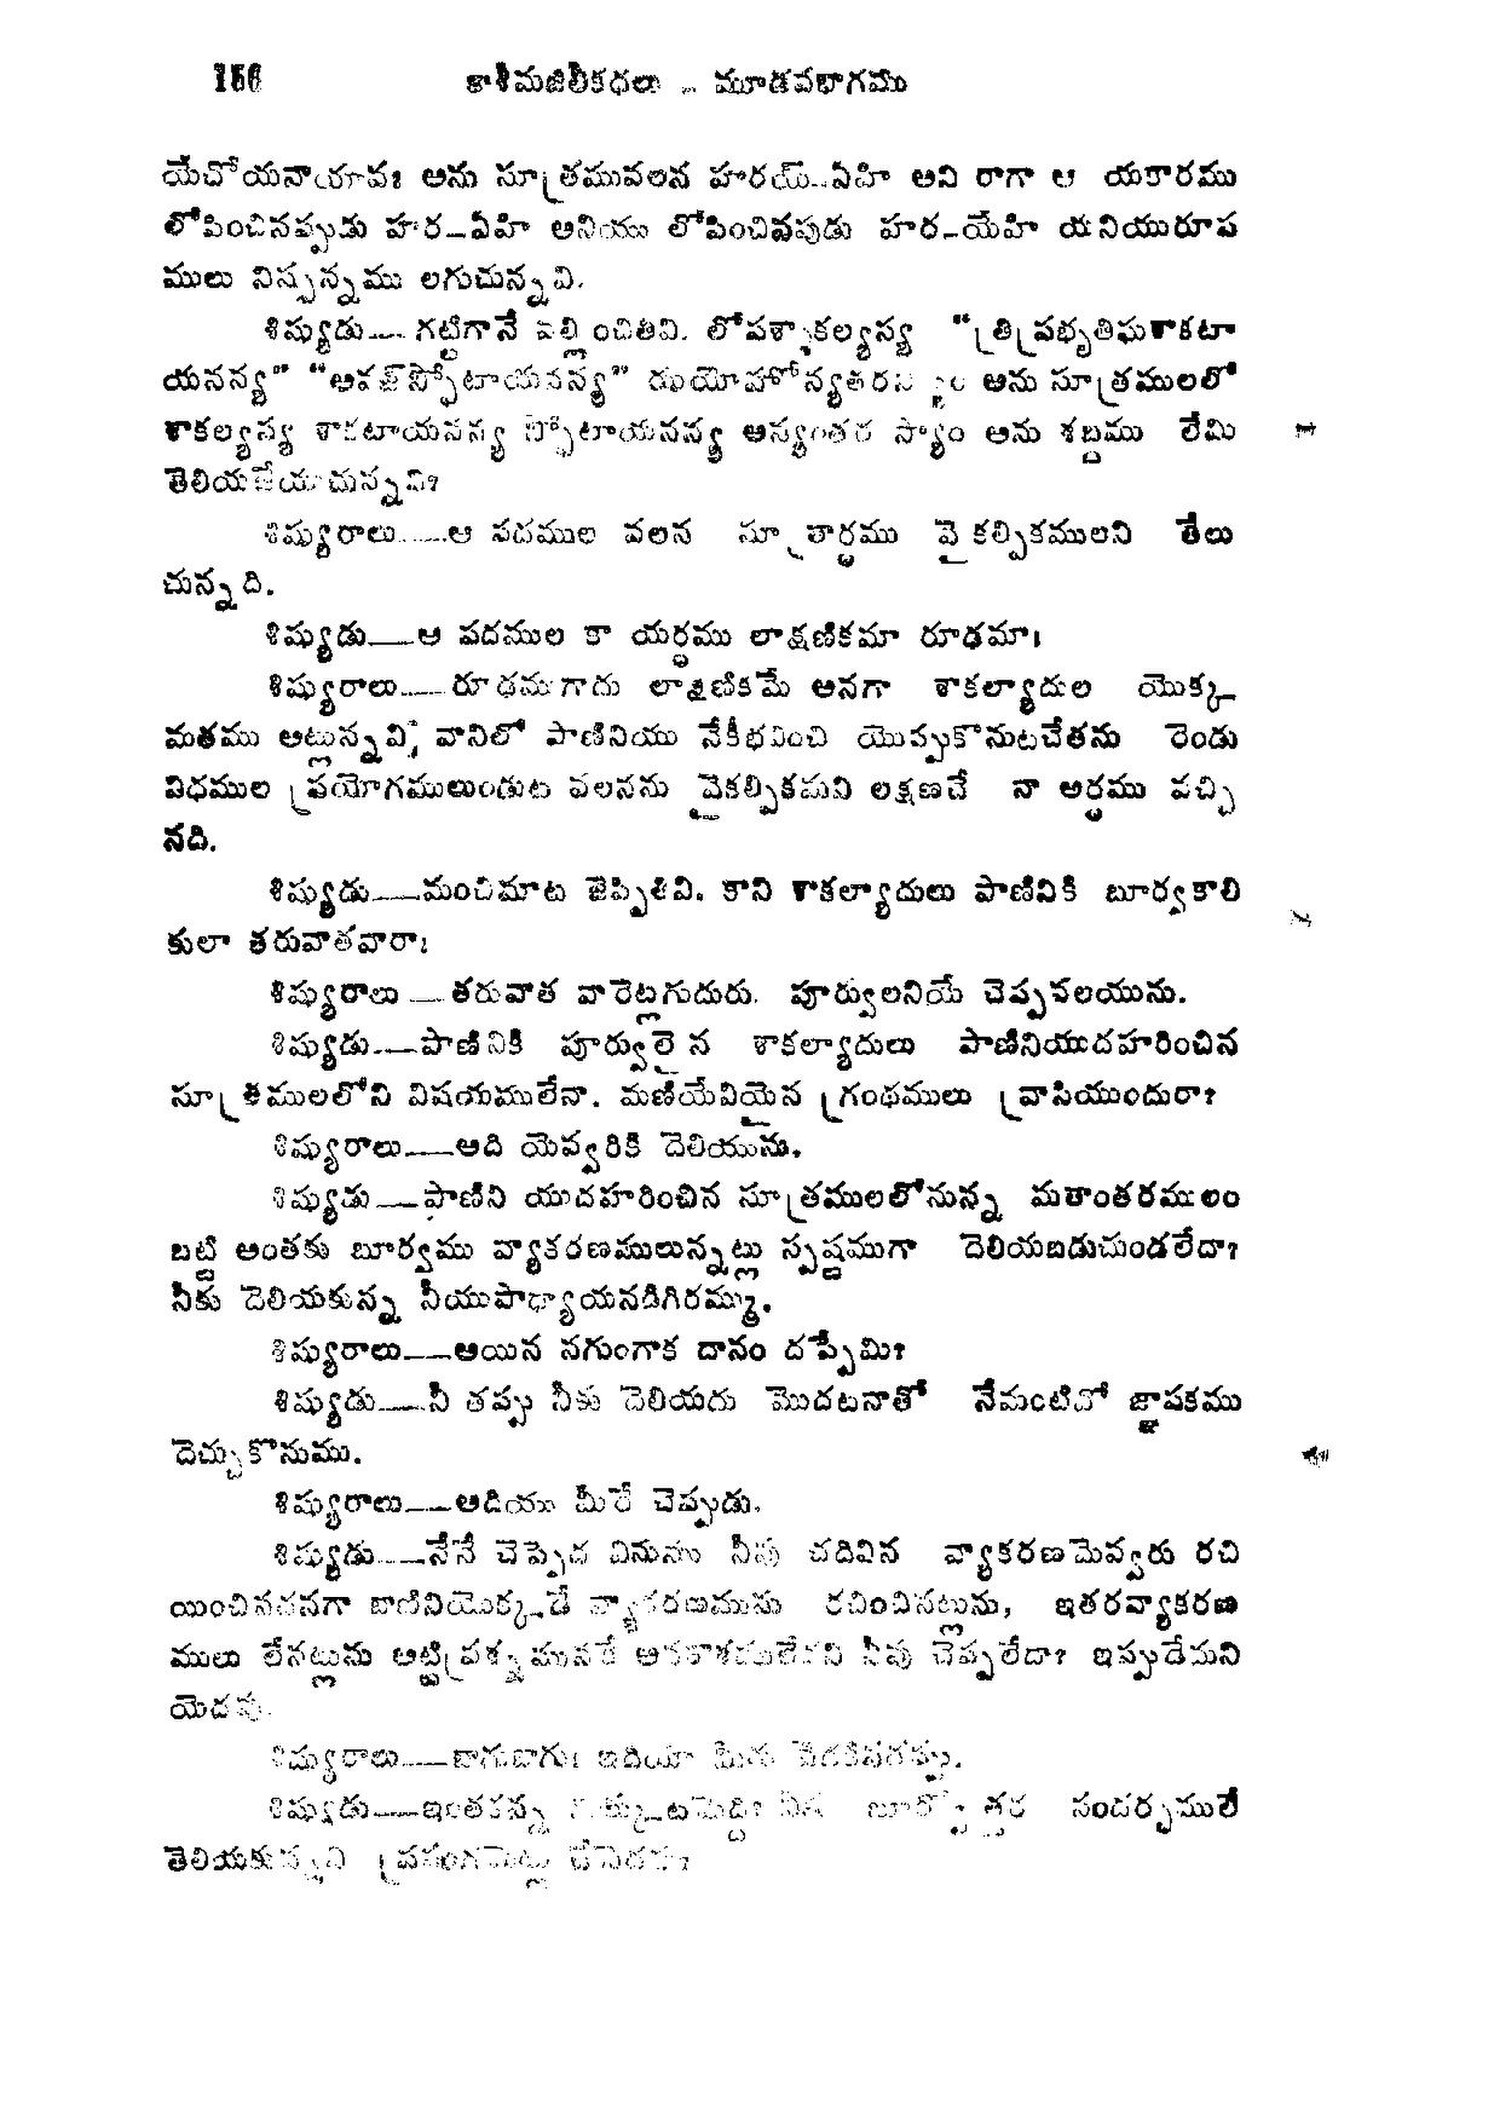యేచోయనాయావః అను సూత్రమువలన హరయ్-ఏహి అని రాగా ఆ యకారము లోపించినప్పుడు హర -ఏహి అనియు లోపించినపుడు హర-యేహి యనియురూపములు విష్పన్నము లగుచున్నవి.

శిష్యుడు - గట్టిగానే వల్లించితివి. లోపశ్శాకల్యస్య "త్రిప్రభృతిఘశాకటా యనన్య" "అవజ్‌స్ఫోటాయనన్య" ఝయోహోన్యతరస్యాం అను సూత్రములలో శాకల్యస్య శాకటాయనన్య స్ఫోటాయనన్య అన్యంతర స్యాం అను శబ్దము లేమి తెలియజేయుచున్నవి?

శిష్యురాలు - ఆ పదముల వలన సూత్రార్ధము వైకల్పికములని తేలుచున్నది.

శిష్యుడు - ఆ పదముల కా యర్ధము లాక్షణికమా రూఢమా?

శిష్యురాలు - రూఢముగాదు లాక్షణికమే అనగా శాకల్యాదులయొక్క మతము అట్లున్నవి. వానిలో పాణినియు నేకీభవించి యొప్పుకొనుటచేతను రెండు విధముల ప్రయోగములుండుట వలనను వైకల్పికమని లక్షణచే నా అర్ధము వచ్చినది.

శిష్యుడు - మంచిమాట జెప్పితివి. కాని శాకల్యాదులు పాణినికి బూర్వకాలికులా తరువాతవారా?

శిష్యురాలు - తరువాత వారెట్లగుదురు. పూర్వులనియే చెప్పవలయును.

శిష్యుడు -- పాణినికి పూర్వులైన శాకల్యాదులు పాణినియుదహరించిన సూత్రములలోని విషయములేనా. మఱియేవియైన గ్రంథములు వ్రాసియుందురా ?

శిష్యురాలు - అది యెవ్వరికి దెలియును.

శిష్యుడు --- పాణిని యుదహరించిన సూత్రములలోనున్న మతాంతరములం బట్టి అంతకు బూర్వము వ్యాకరణములున్నట్లు స్పష్టముగా దెలియబడుచుండలేదా? నీకు దెలియకున్న నీయుపాధ్యాయ నడిగిరమ్ము.

శిష్యురాలు -- అయిన నగుంగాక దానం దప్పేమి?

శిష్యుడు - నీ తప్పు నీకు దెలియదు మొదటనాతో నేమంటివో జ్ఞాపకము దెచ్చుకొనుము.

శిష్యురాలు - అదియు మీరే చెప్పుడు.

శిష్యుడు - నేనే చెప్పెద వినుము నీవు చదివిన వ్యాకరణమెవ్వరు రచియించినదనగా బాణినియొక్క,డే వ్యాకరణమును రచించినట్లును, ఇతరవ్యాకరణములు లేనట్లును అట్టిప్రశ్నమునకే అవకాశములేదని నీవు చెప్పలేదా? ఇప్పుడేమనియెదవు.

శిష్యురాలు - బాగుబాగు! ఇదియా మీరు వెదకినతప్పు.

శిష్యుడు - ఇంతకన్న యెక్కుట మెద్ది? నీకు బూర్వోత్తర సందర్భములే తెలియకున్నవి ప్రసంగమెట్లు చేసెదము?